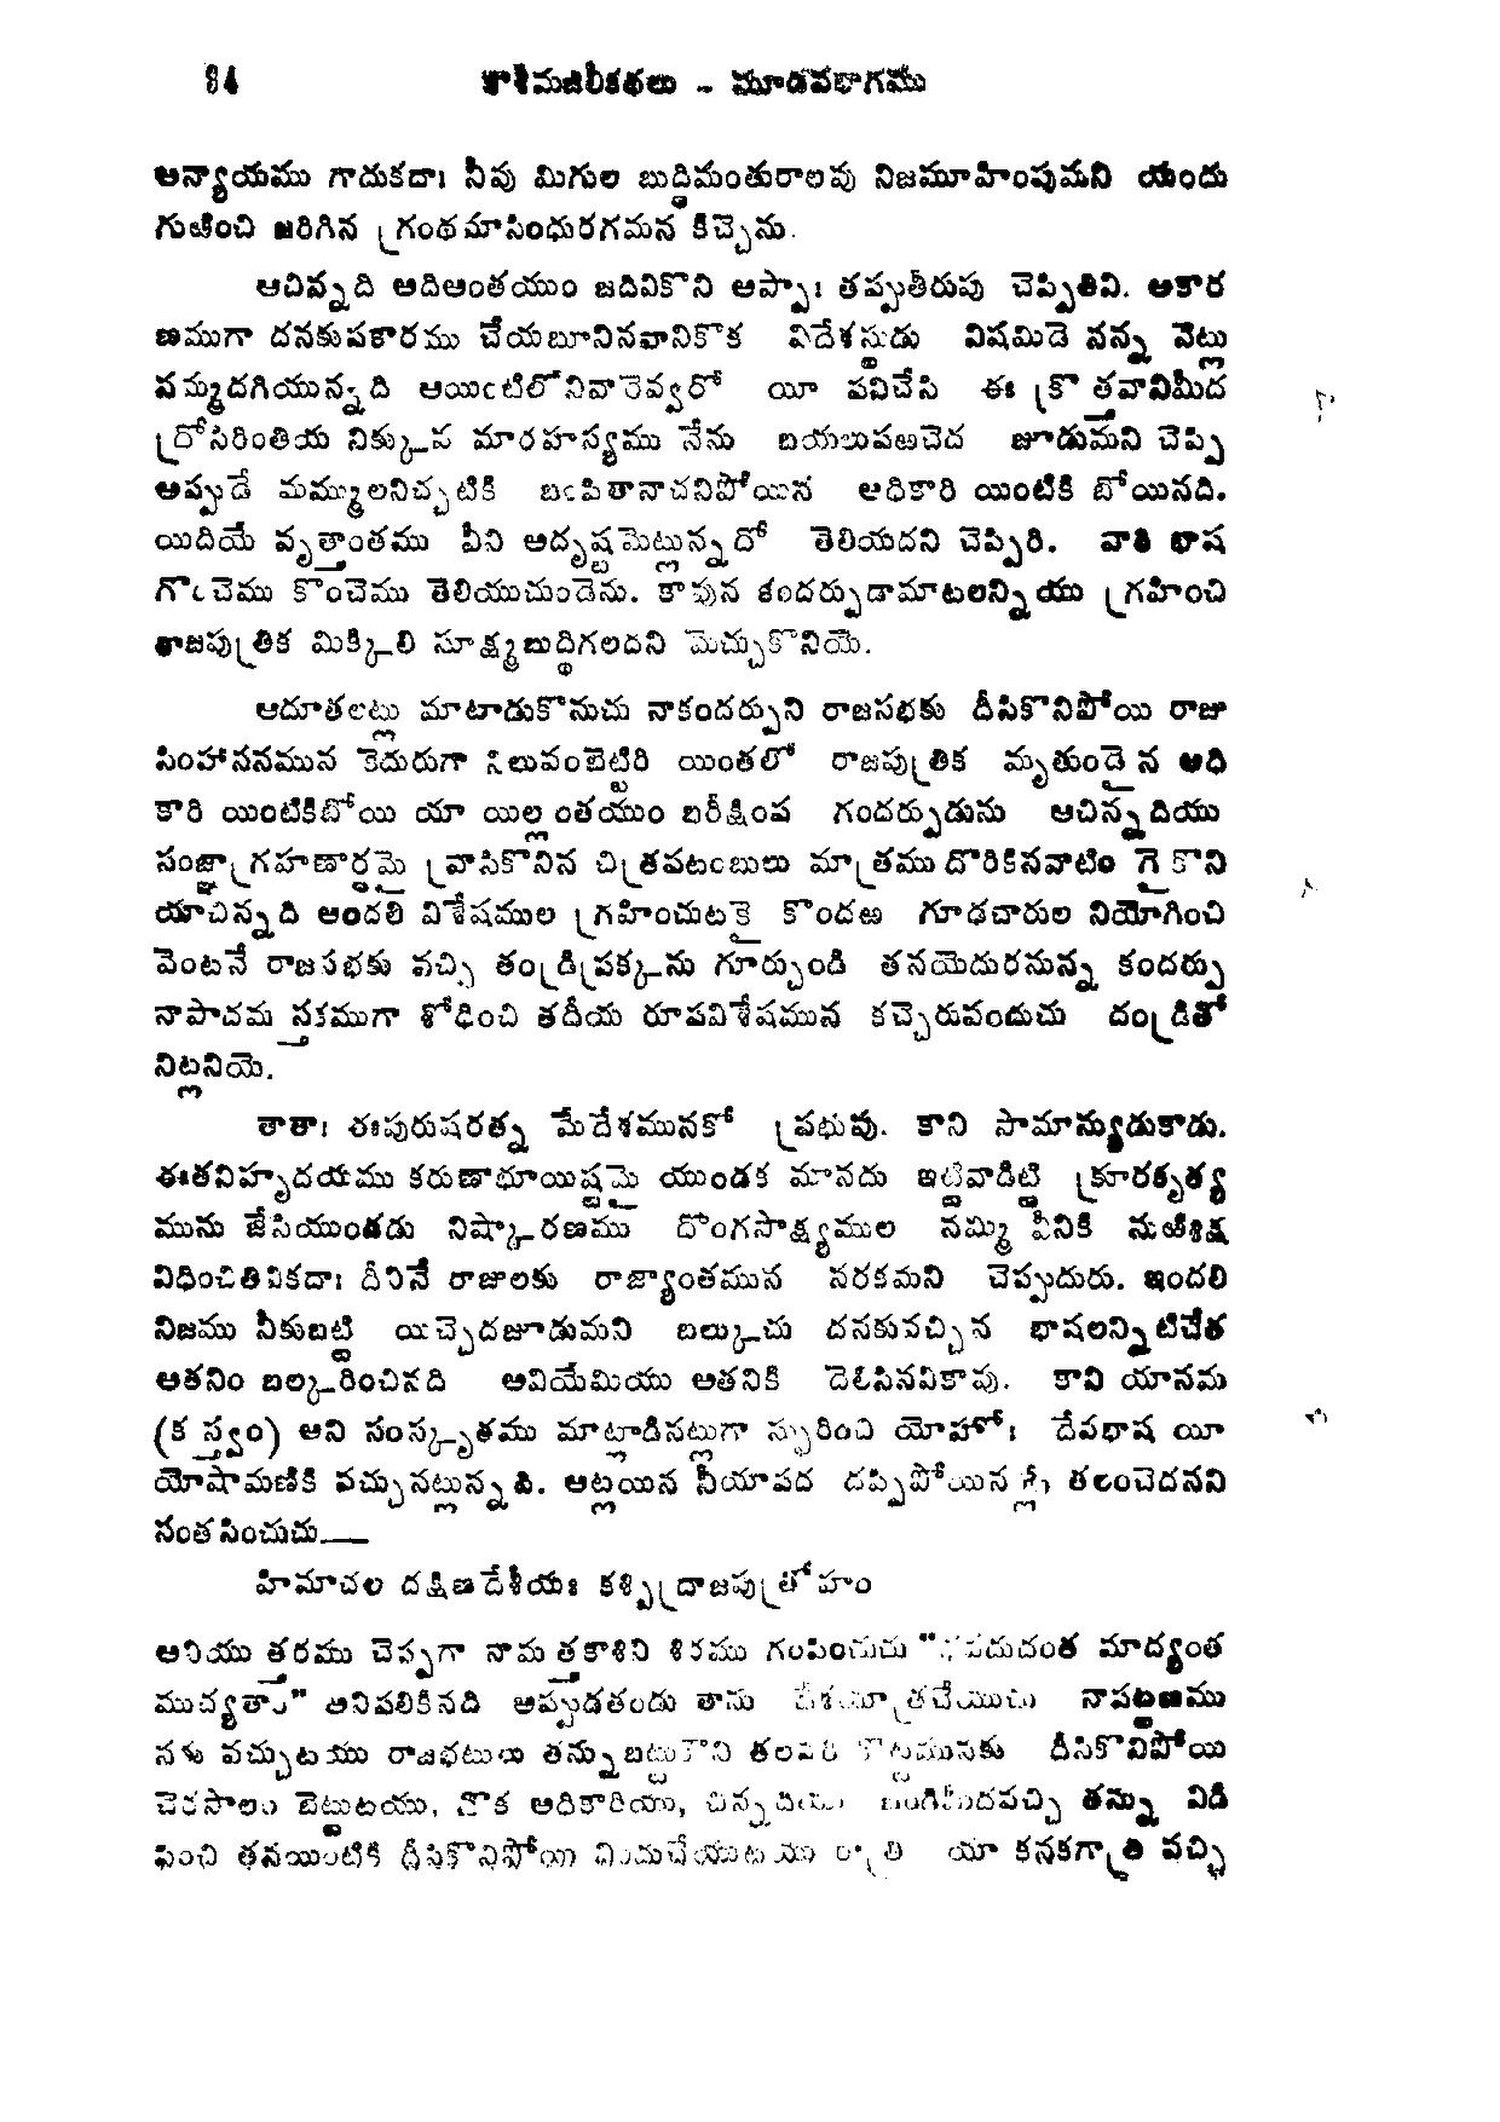అన్యాయము గాదుకదా! నీవు మిగుల బుద్ధిమంతురాలవు నిజ మూహింపుమని యందు గుఱించి జరిగిన గ్రంథ మాసింధురగమన కిచ్చెను.

ఆచిన్నది అదిఅంతయుం జదివికొని అప్పా! తప్పుతీరుపు చెప్పితివి. అకారణముగా దనకుపకారము చేయబూనినవానికొక విదేశస్థుడు విషమిడె నన్న నెట్లు నమ్మదగియున్నది. అయింటిలోనివారెవ్వరో యీ పనిచేసి ఈ క్రొత్తవానిమీద ద్రోసి రింతియ నిక్కువ మారహస్యము నేను బయలుపఱచెద జూడుమని చెప్పి అప్పుడే మమ్ముల నిచ్చటికి బంపి తా నాచనిపోయిన అధికారి యింటికి బోయినది. యిదియే వృత్తాంతము వీని అదృష్టమెట్లున్నదో తెలియదని చెప్పిరి. వారి భాష గొంచెము కొంచెము తెలియుచుండెను. కావున కందర్పు డామాటలన్నియు గ్రహించి రాజపుత్రిక మిక్కిలి సూక్ష్మబుద్ధిగలదని మెచ్చుకొనియె.

ఆదూతలట్లు మాటాడుకొనుచు నాకందర్పుని రాజసభకు దీసికొనిపోయి రాజు సింహాసనమున కెదురుగా నిలువంబెట్టిరి యింతలో రాజపుత్రిక మృతుండైన అధికారి యింటికి పోయి యా యిల్లంతయుం బరీక్షింప గందర్పుడును ఆచిన్నదియు సంజ్ఞాగ్రహణార్థమై వ్రాసికొనిన చిత్రపటంబులు మాత్రము దొరికినవాటిం గైకొని యాచిన్నది అందలి విశేషముల గ్రహించుటకై కొందఱ గూఢచారుల నియోగించి వెంటనే రాజసభకు వచ్చి తండ్రిప్రక్కను గూర్చుండి తనయెదురనున్న కందర్పు నాపాదమస్తకముగా శోధించి తదీయ రూపవిశేషమున కచ్చెరువందుచు దండ్రితో నిట్లనియె.

తాతా! ఈపురుషరత్న మేదేశమునకో ప్రభువు. కాని సామాన్యుడుకాడు. ఈతనిహృదయము కరుణాభూయిష్టమై యుండక మానదు ఇట్టివాడిట్టి క్రూరకృత్యమును జేసియుండడు నిష్కారణము దొంగసాక్ష్యముల నమ్మి వీనికి నుఱిశిక్ష విధించితివికదా! దీనినే రాజులకు రాజ్యాంతమున నరకమని చెప్పుదురు. ఇందలి నిజము నీకుబట్టి యిచ్చెదజూడుమని బల్కుచు దనకువచ్చిన భాషలన్నిటిచేత
అతనిం బల్కరించినది అవియేమియు అతనికి దెలిసినవికావు. కాని యానమ (కస్త్వం) అని సంస్కృతము మాట్లాడినట్లుగా స్ఫురించి యోహో! దేవభాష యీ యోషామణికి వచ్చునట్లున్నది. అట్లయిన నీయాపద దప్పిపోయినట్లే తలంచెదనని సంతసించుచు -

హిమాచల దక్షిణదేశీయః కశ్బిద్రాజపుత్రోహం 

అనియుత్తరము చెప్పగా నామత్తకాశిని శిరము గంపించుచు "తవదుదంత మాద్యంత ముచ్యతాం" అనిపలికినది అప్పుడతండు తాను దేశయాత్రచేయుచు నాపట్టణమునకు వచ్చుటయు రాజభటులు తన్ను బట్టుకొని తలవరి కొట్టమునకు దీసికొనిపోయి చెరసాలం బెట్టుటయు, వొక అధికారియు, చిన్నదియు బండిమీదవచ్చి తన్ను విడిపించి తనయింటికి దీసికొనిపోయి విందుచేయుటయు రాత్రి యా కనకగాత్రి వచ్చి